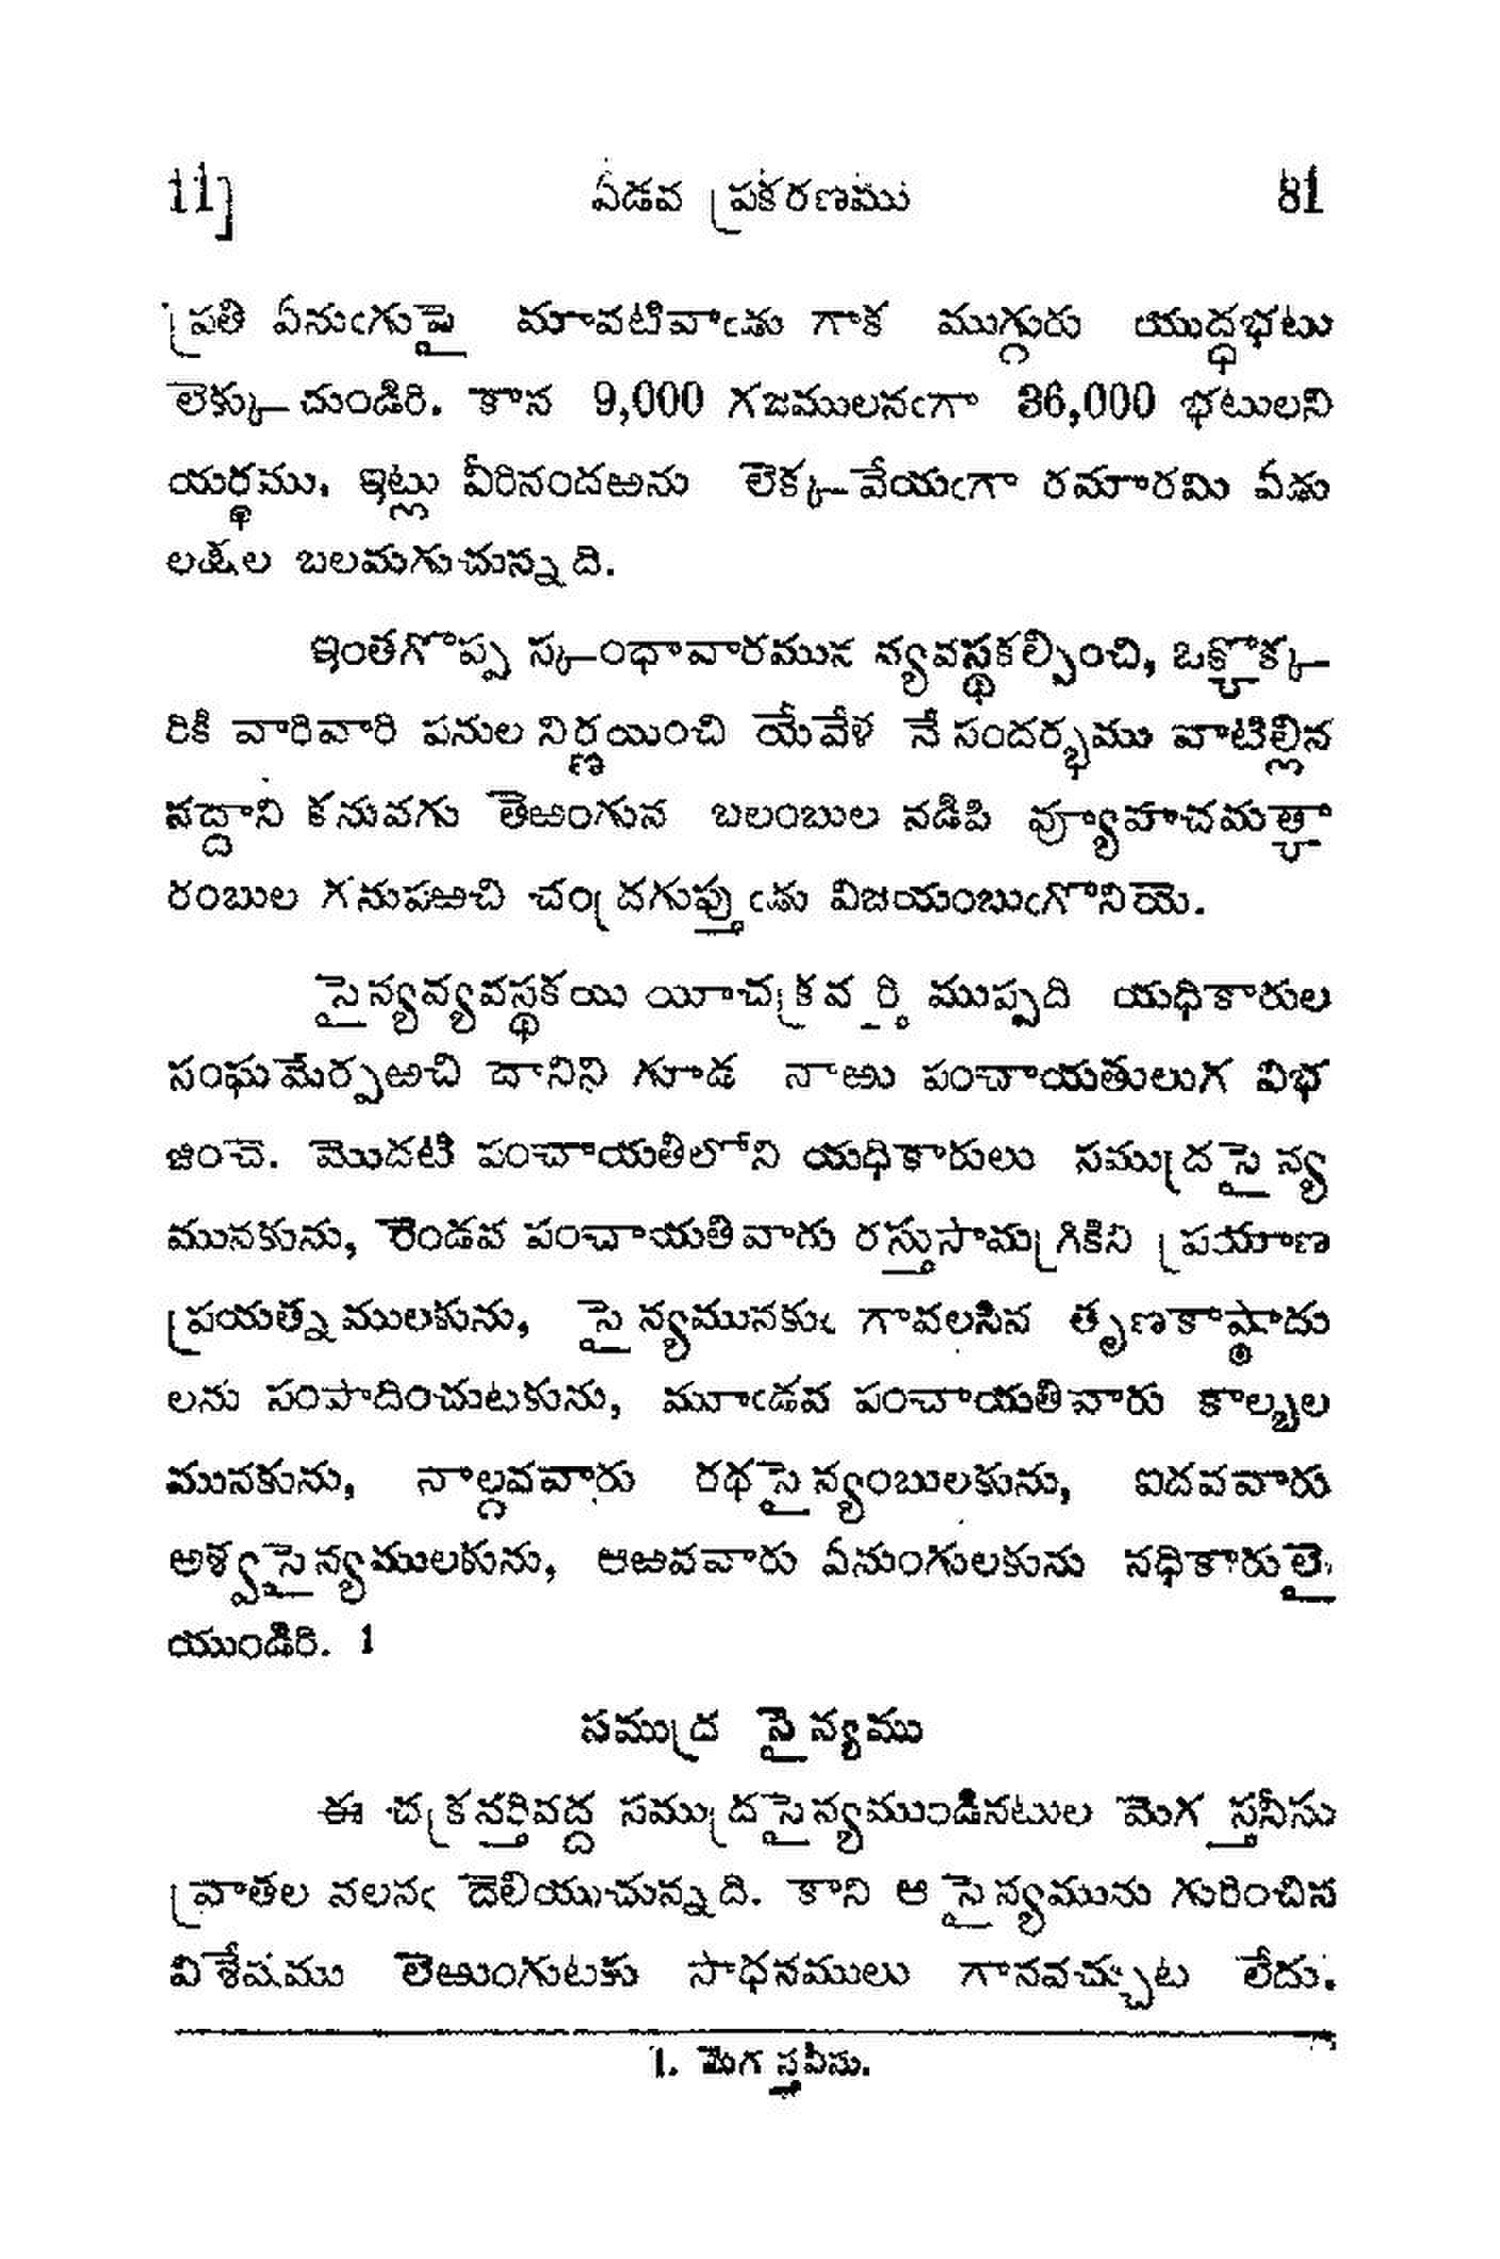ప్రతి ఏనుఁగుపై మావటివాఁడు గాక ముగ్గురు యుద్ధభటు లెక్కుచుండిరి. కాన 9,000 గజములనఁగా 36,000 భటులని యర్థము. ఇట్లు వీరినందఱను లెక్క వేయఁగా రమారమి ఏడు లక్షల బలమగుచున్నది.

ఇంతగొప్ప స్కంధావారమున వ్యవస్థకల్పించి, ఒక్కొక్కరికి వారివారి పనుల నిర్ణయించి యేవేళ నే సందర్భము వాటిల్లిన నద్దాని కనువగు తెఱుంగున బలంబుల నడిపి వ్యూహచమత్కారంబుల గనుపఱచి చంద్రగుప్తుఁడు విజయంబుఁగొనియె.

సైన్యవ్యవస్థకయి యీచక్రవర్తి ముప్పది యధికారుల సంఘమేర్పఱచి దానిని గూడ నాఱు పంచాయతులుగ విభజించె. మొదటి పంచాయతిలోని యధికారులు సముద్ర సైన్యమునకును, రెండవ పంచాయతి వారు రస్తుసామగ్రికిని ప్రయాణ ప్రయత్నములకును, సైన్యమునకుఁ గావలసిన తృణకాష్ఠాదులను సంపాదించుటకును, మూడవ పంచాయతి వారు కాల్బలమునకును, నాల్గవవారు. రథసైన్యంబులకును, ఐదవవారు అశ్వసైన్యములకును, ఆఱవవారు ఏనుంగులకును నధికారులై, యుండిరి. 1

సముద్ర సైన్యము 

ఈ చక్రవర్తివద్ద సముద్ర సైన్యముండినటుల మెగస్తనీసు వ్రాతల వలనఁ దెలియుచున్నది. కాని ఆ సైన్యమును గురించిన విశేషము లెఱుంగుటకు సాధనములు గానవచ్చుట లేదు.